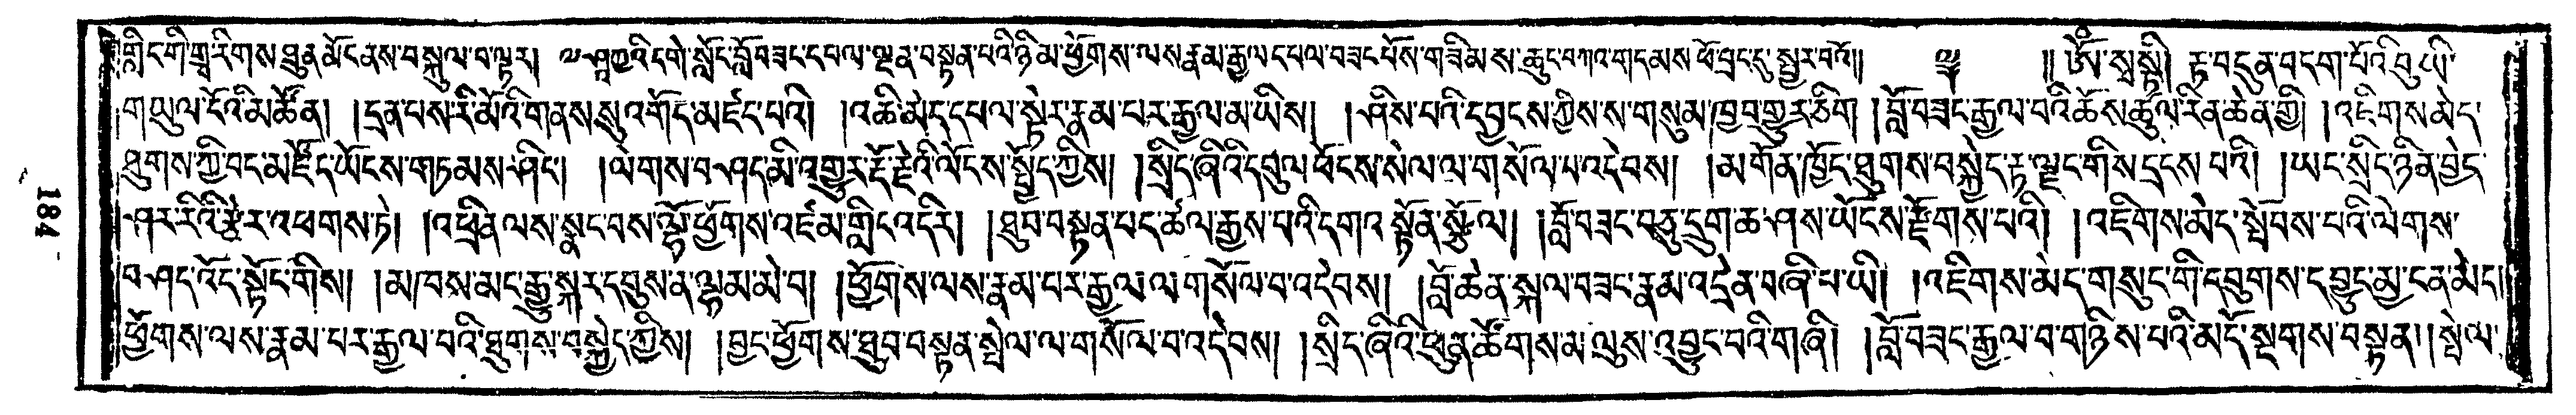གླིང་གི་གྲྭ་རིགས་ཐུན་མོང་ནས་བསྐུལ་བ་ལྟར། ༧་ཤཱཀྱའི་དགེ་སློང་བློ་བཟང་དཔལ་ལྡན་བསྟན་པའི་ཉི་མ་ཕྱོགས་ལས་རྣམ་རྒྱལ་དཔལ་བཟང་པོས་གཟིམས་ཆུང་བཀའ་གདམས་ཕོ་བྲང་དུ་སྦྱར་བའོ།། ༈ །།ཨོཾ་སྭ་སྟི། རྟ་བདུན་བདག་པོའི་བུ་ཡི་
གཡུལ་ངོའི་མཚོན། །དྲན་པས་རི་མོའི་གནས་སུ་འགོད་མཛད་པའི། །འཆི་མེད་དཔལ་སྟེར་རྣམ་པར་རྒྱལ་མ་ཡིས། །ཤིས་པའི་དབྱངས་ཀྱིས་ས་གསུམ་ཁྱབ་གྱུར་ཅིག །བློ་བཟང་རྒྱལ་བའི་ཆོས་ཚུལ་རིན་ཆེན་གྱི། །འཇིགས་མེད་
ཐུགས་ཀྱི་བང་མཛོད་ཡོངས་གཏམས་ཤིང་། །ལེགས་བཤད་མི་འགྱུར་རྡོ་རྗེའི་ལོངས་སྤྱོད་ཀྱིས། །སྲིད་ཞིའི་དབུལ་ཕོངས་སེལ་ལ་གསོལ་བ་འདེབས། །མགོན་ཁྱོད་ཐུགས་བསྐྱེད་རྟ་ལྗང་གིས་དྲངས་པའི། །ཡང་སྲིད་ཉིན་བྱེད་
ཤར་རིའི་རྩེར་འཕགས་ཏེ། །འཕྲིན་ལས་སྣང་བས་ལྷོ་ཕྱོགས་འཛམ་གླིང་འདིར། །ཐུབ་བསྟན་པད་ཚལ་རྒྱས་པའི་དགའ་སྟོན་སྩོལ། །བློ་བཟང་བཅུ་དྲུག་ཆ་ཤས་ཡོངས་རྫོགས་པའི། །འཇིགས་མེད་སྤོབས་པའི་ལེགས་
བཤད་འོད་སྟོང་གིས། །མཁས་མང་རྒྱུ་སྐར་དབུས་ན་ལྷམ་མེ་བ། །ཕྱོགས་ལས་རྣམ་པར་རྒྱལ་ལ་གསོལ་བ་འདེབས། །བློ་ཆེན་སྐལ་བཟང་རྣམ་འདྲེན་བཞི་པ་ཡི། །འཇིགས་མེད་གསུང་གི་དབུགས་དབྱུང་མྱ་ངན་མེད།
ཕྱོགས་ལས་རྣམ་པར་རྒྱལ་བའི་ཐུགས་བསྐྱེད་ཀྱིས། །བྱང་ཕྱོགས་ཐུབ་བསྟན་སྤེལ་ལ་གསོལ་བ་འདེབས། །སྲིད་ཞིའི་ཕུན་ཚོགས་མ་ལུས་འབྱུང་བའི་གཞི། །བློ་བཟང་རྒྱལ་བ་གཉིས་པའི་མདོ་སྔགས་བསྟན། །སྤེལ་